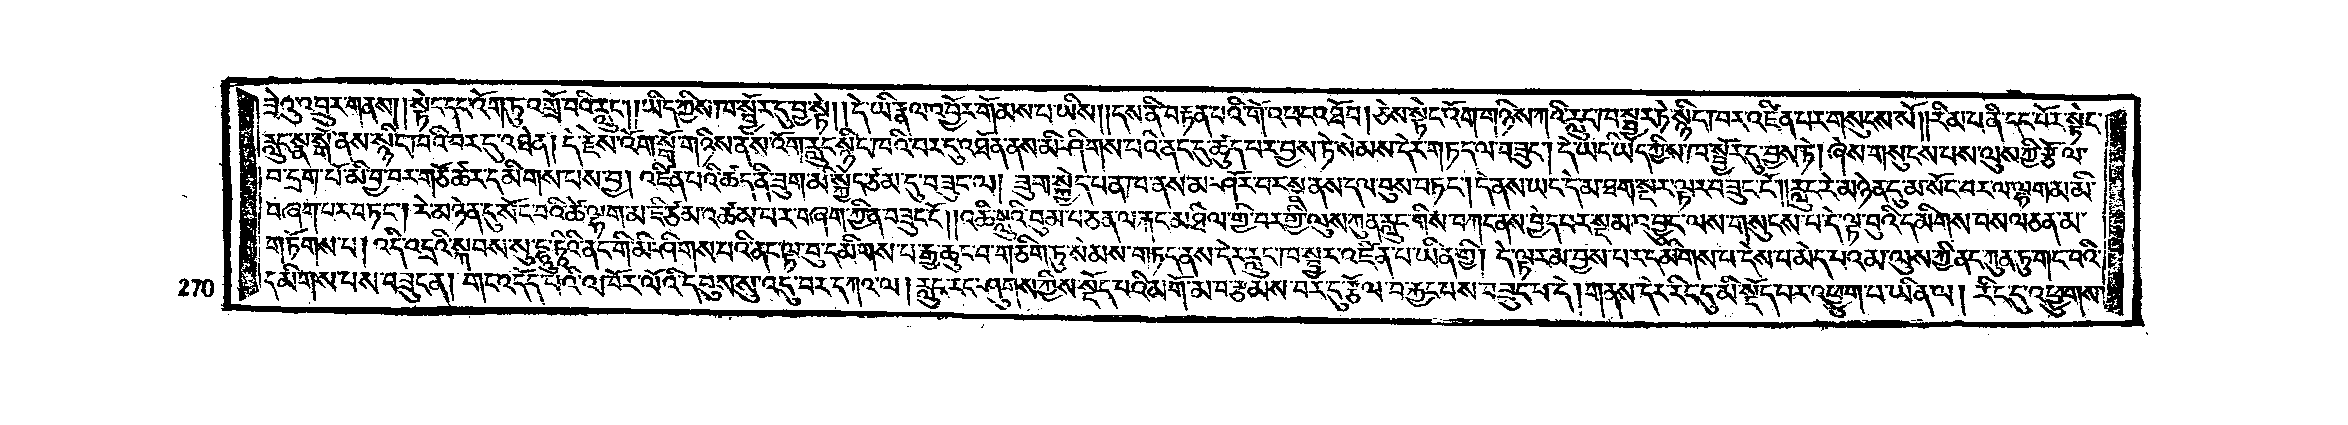ཟེའུ་འབྲུར་གནས། །སྟེང་དང་འོག་ཏུ་འགྲོ་བའི་རླུང་། །ཡིད་ཀྱིས་ཁ་སྦྱོར་དུ་བྱ་སྟེ། །དེ་ཡི་རྣལ་འབྱོར་གོམས་པ་ཡིས། །དས་ནི་བརྟན་པའི་གོ་འཕང་འཐོབ། ཅེས་སྟེང་འོག་གཉིས་ཀའི་རླུང་ཁ་སྦྱར་ཏེ་སྙིང་ཁར་འཛིན་པར་གསུངས་སོ། །རིམ་པ་ནི་དང་པོར་སྟེང་
རླུང་སྣ་སྒོ་ནས་སྙིང་ཁའི་བར་དུ་འཐེན། དེ་རྗེས་འོག་སྒོ་གཉིས་ནས་འོག་རླུང་སྙིང་ཁའི་བར་དུ་འཐེན་ནས་མི་ཤིགས་པའི་ནང་དུ་ཚུད་པར་བྱས་ཏེ་སེམས་དེར་གཏད་ལ་བཟུང་། དེ་ཡང་ཡིད་ཀྱིས་ཁ་སྦྱོར་དུ་བྱས་ཏེ། ཞེས་གསུངས་པས་ལུས་ཀྱི་རྩོལ་
བ་དྲག་པོ་མི་བྱ་བར་གཙོ་ཆེར་དམིགས་པས་བྱ། འཛིན་པའི་ཚད་ནི་ཟུག་མི་སྐྱེད་ཙམ་དུ་བཟུང་ལ། ཟུག་སྐྱེད་པ་ན་ཁ་ནས་མ་ཤོར་བར་སྣ་ནས་དལ་བུས་བཏང་། དེ་ནས་ཡང་དེ་མ་ཐག་སྔར་ལྟར་བཟུང་ངོ། །རླུང་རེ་མཉེན་དུ་མ་སོང་བར་ལ་ལྷག་མ་མི་
བཞག་པར་བཏང་། རེ་མཉེན་དུ་སོང་བའི་ཚེ་ལྷག་མ་ཇི་ཙམ་འཚམ་པར་བཞག་ཀྱིན་བཟུང་ངོ། །འཆི་སླུའི་བུམ་པ་ཅན་ལ་རྐང་མཐིལ་གྱི་བར་གྱི་ལུས་ཀུན་རླུང་གིས་བཀང་ནས་བྱེད་པར་སྡམ་འབྱུང་ལས་གསུངས་པ་དེ་ལྟ་བུའི་དམིགས་བསལ་ཅན་མ་
གཏོགས་པ། འདི་འདྲའི་སྐབས་སུ་དྷཱུ་ཏཱིའི་ནང་གི་མི་ཤིགས་པའི་ནང་ལྟ་བུ་དམིགས་པ་རྒྱ་ཆུང་བ་གཅིག་ཏུ་སེམས་གཏད་ནས་དེར་རླུང་ཁ་སྦྱར་འཛིན་པ་ཡིན་གྱི། དེ་ལྟར་མ་བྱས་པར་དམིགས་པ་དེས་པ་མེད་པའམ་ལུས་ཀྱི་ནང་ཀུན་ཏུ་གང་བའི་
དམིགས་པས་བཟུང་ན། གང་འདོད་པའི་འཁོར་ལོའི་དབུས་སུ་འདུ་བར་དཀའ་ལ། རླུང་རང་ཤུགས་ཀྱིས་སྡོད་པའི་མགོ་མ་བརྩམས་བར་དུ་རྩོལ་བ་རྐྱང་པས་བཟུང་བ་དེ། གནས་དེར་རིང་དུ་མི་སྡོད་པར་འཕྱུག་པ་ཡིན་ལ། རིང་དུ་འཕྱུགས་